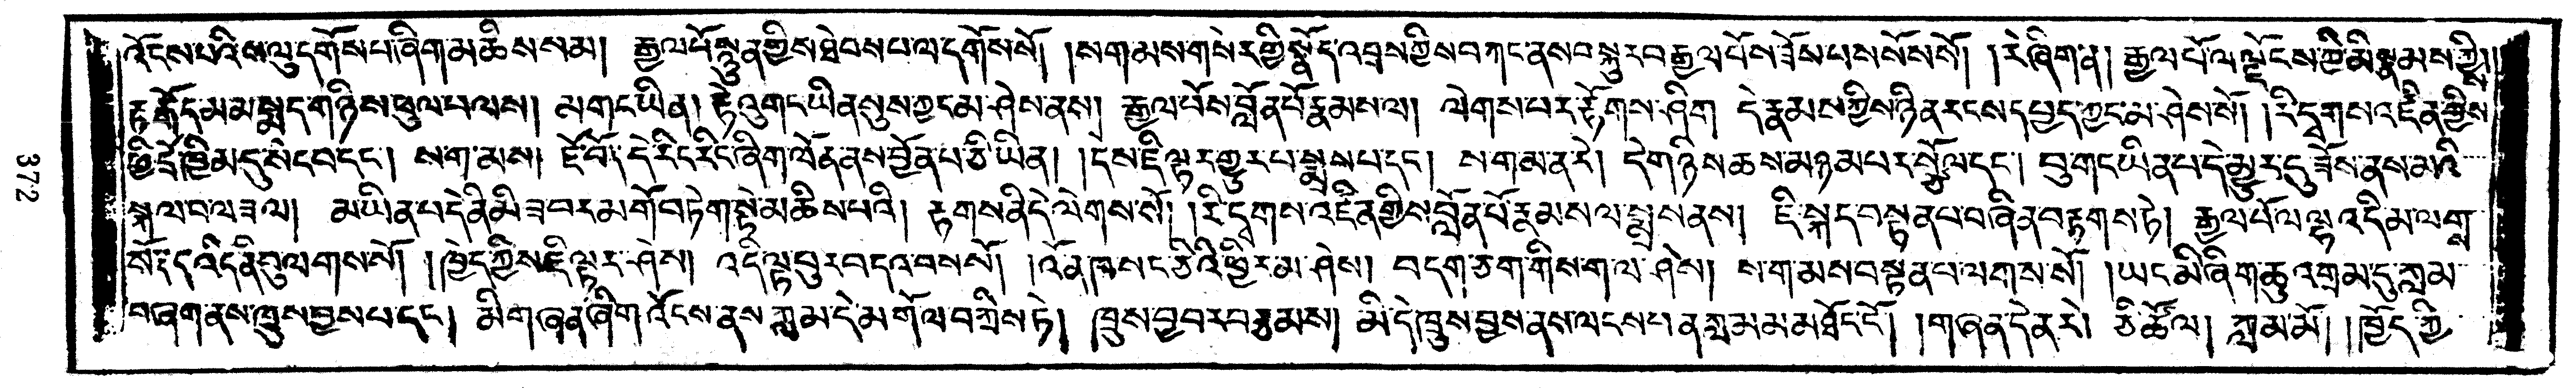འོངས་པའི་ས་ལུ་དགོས་པ་ཞིག་མཆིས་སམ། རྒྱལ་པོ་སྙུན་གྱིས་ཐེབས་པ་ལ་དགོས་སོ། །སག་མས་གསེར་གྱི་སྣོད་འབྲས་ཀྱིས་བཀང་ནས་བསྐུར་བརྒྱལ་པོས་ཟོས་པས་སོས་སོ། །རེ་ཞིག་ན། རྒྱལ་པོ་ལ་ལྗོངས་ཀྱི་མི་སྣམས་ཀྱིས།།
རྟ་རྒོད་མ་མ་སྨད་གཉིས་ཕུལ་པ་ལས། མ་གང་ཡིན། རྟེའུ་གང་ཡིན་སུས་ཀྱང་མ་ཤེས་ནས། རྒྱལ་པོས་བློན་པོ་རྣམས་ལ། ལེགས་པར་རྟོགས་ཤིག །དེ་རྣམས་ཀྱིས་ཉིན་རངས་དཔྱད་ཀྱང་མ་ཤེས་སོ། །རི་དྭགས་འཛིན་གྱིས་
ཕྱི་དྲོ་ཁྱིམ་དུ་སེང་བ་དང་། ས་ག་མས། ཇོ་བོ༑ དེ་རིང་རིང་ཞིག་ལོན་ནས་བྱོན་པ་ཅི་ཡིན། །དེས་ཇི་ལྟར་གྱུར་པ་སྨྲས་པ་དང་། ས་ག་མ་ན་རེ། དེ་གཉིས་ཆས་མཉམ་པར་སྩོལ་དང་། བུ་གང་ཡིན་པ་དེ་མྱུར་དུ་ཟོས་ནས་མའི་
སྐལ་བ་ལ་ཟ་ལ། མ་ཡིན་པ་དེ་ནི་མི་ཟ་བར་མགོ་བཏེག་སྟེ་མཆིས་པའི། རྟགས་ནི་དེ་ལེགས་སོ། །རི་དྭགས་འཛིན་གྱིས་བློན་པོ་རྣམས་ལ་སྨྲས་ནས། ཇི་སྐད་བསྟན་པ་བཞིན་བརྟགས་ཏེ། རྒྱལ་པོ་ལ་ལྷ་འདི་མ་ལགས་
སོ༑ ད་འདི་ནི་བུ་ལགས་སོ། །ཁྱེད་ཀྱིས་ཇི་ལྟར་ཤེས། འདི་ལྟ་བུར་བདའ་བས་སོ། །འོ་ན་ཁ་སང་ཅིའི་ཕྱིར་མ་ཤེས། བདག་ཅག་གིས་ག་ལ་ཤེས། ས་ག་མས་བསྟན་པ་ལགས་སོ། །ཡང་མི་ཞིག་ཆུ་འགྲམ་དུ་ཀླམ་
བཞག་ནས་ཁྲུས་བྱས་པ་དང་། མི་གཞན་ཞིག་འོངས་ནས་ཀླམ་དེ་མགོལ་བཀྲིས་ཏེ། ཁྲུས་བྱ་བར་བརྩམས། མི་དེ་ཁྲུས་བྱས་ནས་ལངས་པ་ན་ཀླམ་མ་མཐོང་ངོ། །གཞན་དེ་ན་རེ། ཅི་ཚོལ། ཀླམ་མོ། །ཁྱོད་ཀྱི་